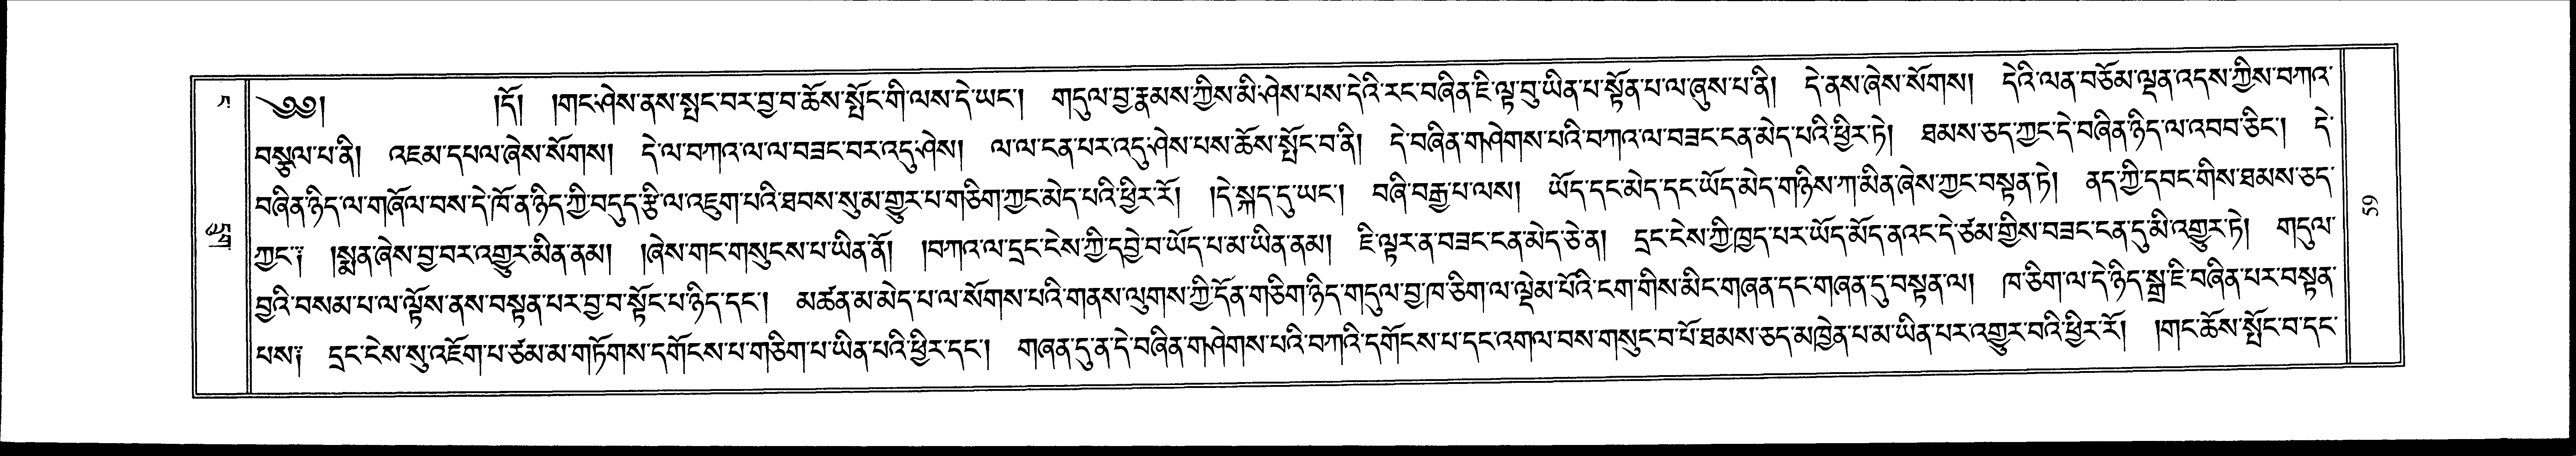༄༅། །དོ། །གང་ཤེས་ནས་སྤང་བར་བྱ་བ་ཆོས་སྤོང་གི་ལས་དེ་ཡང་། གདུལ་བྱ་རྣམས་ཀྱིས་མི་ཤེས་པས་དེའི་རང་བཞིན་ཇི་ལྟ་བུ་ཡིན་པ་སྟོན་པ་ལ་ཞུས་པ་ནི། དེ་ནས་ཞེས་སོགས། དེའི་ལན་བཅོམ་ལྡན་འདས་ཀྱིས་བཀའ་
བསྩལ་པ་ནི། འཇམ་དཔལ་ཞེས་སོགས། དེ་ལ་བཀའ་ལ་ལ་བཟང་བར་འདུ་ཤེས། ལ་ལ་ངན་པར་འདུ་ཤེས་པས་ཆོས་སྤོང་བ་ནི། དེ་བཞིན་གཤེགས་པའི་བཀའ་ལ་བཟང་ངན་མེད་པའི་ཕྱིར་ཏེ། ཐམས་ཅད་ཀྱང་དེ་བཞིན་ཉིད་ལ་འབབ་ཅིང་། དེ་
བཞིན་ཉིད་ལ་གཞོལ་བས་དེ་ཁོ་ན་ཉིད་ཀྱི་བདུད་རྩི་ལ་འཇུག་པའི་ཐབས་སུ་མ་གྱུར་པ་གཅིག་ཀྱང་མེད་པའི་ཕྱིར་རོ། །དེ་སྐད་དུ་ཡང་། བཞི་བརྒྱ་པ་ལས། ཡོད་དང་མེད་དང་ཡོད་མེད་གཉིས་ཀ་མིན་ཞེས་ཀྱང་བསྟན་ཏེ། ནད་ཀྱི་དབང་གིས་ཐམས་ཅད་
ཀྱང་། །སྨན་ཞེས་བྱ་བར་འགྱུར་མིན་ནམ། །ཞེས་གང་གསུངས་པ་ཡིན་ནོ། །བཀའ་ལ་དྲང་ངེས་ཀྱི་དབྱེ་བ་ཡོད་པ་མ་ཡིན་ནམ། ཇི་ལྟར་ན་བཟང་ངན་མེད་ཅེ་ན། དྲང་ངེས་ཀྱི་ཁྱད་པར་ཡོད་མོད་ནའང་དེ་ཙམ་གྱིས་བཟང་ངན་དུ་མི་འགྱུར་ཏེ། གདུལ་
བྱའི་བསམ་པ་ལ་ལྟོས་ནས་བསྟན་པར་བྱ་བ་སྟོང་པ་ཉིད་དང་། མཚན་མ་མེད་པ་ལ་སོགས་པའི་གནས་ལུགས་ཀྱི་དོན་གཅིག་ཉིད་གདུལ་བྱ་ཁ་ཅིག་ལ་ལྡེམ་པོའི་ངག་གིས་མིང་གཞན་དང་གཞན་དུ་བསྟན་ལ། ཁ་ཅིག་ལ་དེ་ཉིད་སྒྲ་ཇི་བཞིན་པར་བསྟན་
པས། དྲང་ངེས་སུ་འཇོག་པ་ཙམ་མ་གཏོགས་དགོངས་པ་གཅིག་པ་ཡིན་པའི་ཕྱིར་དང་། གཞན་དུ་ན་དེ་བཞིན་གཤེགས་པའི་བཀའི་དགོངས་པ་དང་འགལ་བས་གསུང་བ་པོ་ཐམས་ཅད་མཁྱེན་པ་མ་ཡིན་པར་འགྱུར་བའི་ཕྱིར་རོ། །གང་ཆོས་སྤོང་བ་དང་